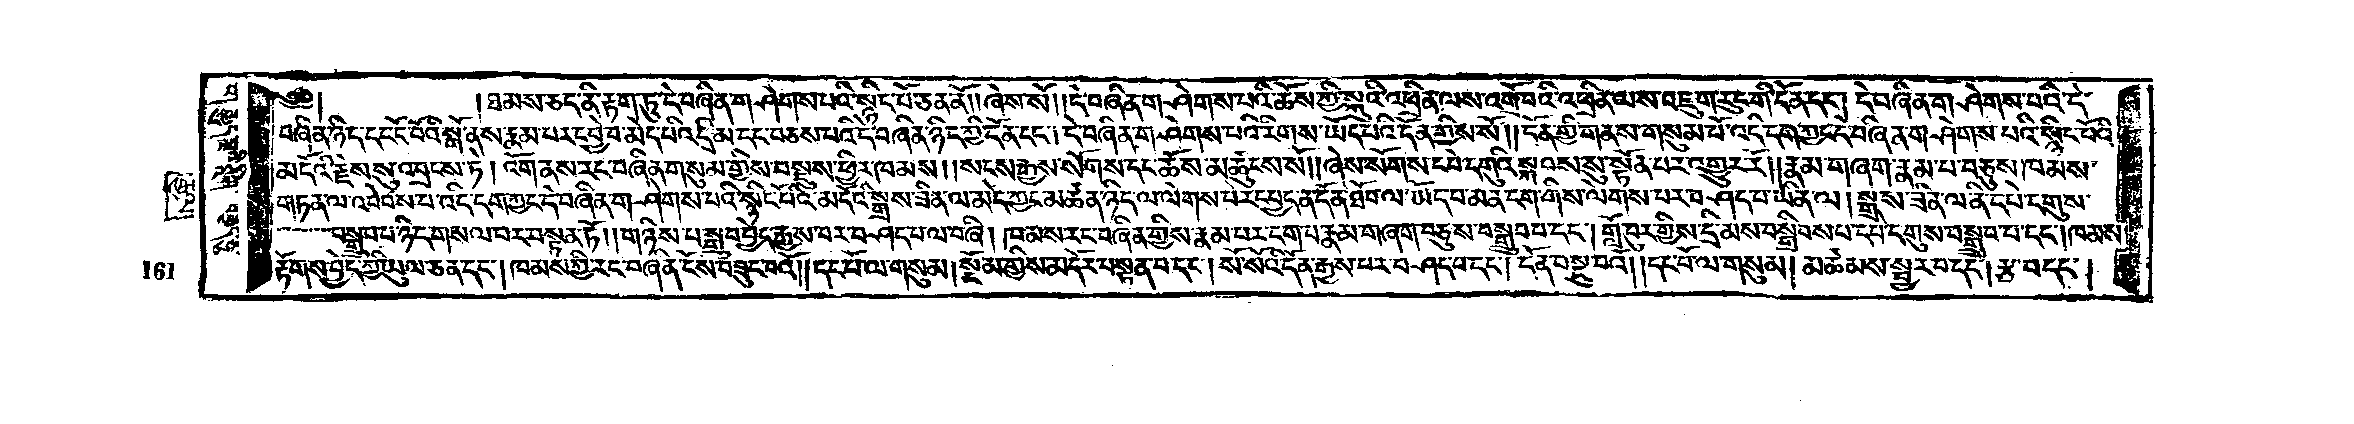༄༅། །ཐམས་ཅད་ནི་རྟག་ཏུ་དེ་བཞིན་གཤེགས་པའི་སྙིང་པོ་ཅན་ནོ། །ཞེས་སོ། །དེ་བཞིན་གཤེགས་པའི་ཆོས་ཀྱི་སྐུའི་འཕྲིན་ལས་འགྲོ་བའི་འཕྲིན་ལས་འཇུག་རུང་གི་དོན་དང་། དེ་བཞིན་གཤེགས་པའི་དེ་
བཞིན་ཉིད་དང་ངོ་བོའི་སྒོ་ནས་རྣམ་པར་དབྱེ་བ་མེད་པའི་དྲི་མ་དང་བཅས་པའི་དེ་བཞིན་ཉིད་ཀྱི་དོན་དང་། དེ་བཞིན་གཤེགས་པའི་རིགས་ཡོད་པའི་དོན་གྱིས་སོ། །དོན་གྱི་གནས་གསུམ་པོ་འདི་དག་ཀྱང་དེ་བཞིན་གཤེགས་པའི་སྙིང་པོའི་
མདོའི་རྗེས་སུ་འབྲངས་ཏེ། འོག་ནས་རང་བཞིན་གསུམ་གྱིས་བསྡུས་ཕྱིར་ཁམས། །སངས་རྒྱས་སོགས་དང་ཆོས་མཚུངས་སོ། །ཞེས་སོགས་དཔེ་དགུའི་སྐབས་སུ་སྟོན་པར་འགྱུར་རོ། །རྣམ་གཞག་རྣམ་པ་བཅུས་ཁམས་
གཏན་ལ་འབེབས་པ་འདི་དག་ཀྱང་དེ་བཞིན་གཤེགས་པའི་སྙིང་པོའི་མདོའི་སྒྲས་ཟིན་ལ་མེད་ཀྱང་མཚན་ཉིད་ལ་ལེགས་པར་དཔྱད་ན་དོན་ཐོབ་ལ་ཡོད་པ་མན་ངག་གིས་ལེགས་པར་བཤད་པ་ཡིན་ལ། སྒྲས་ཟིན་ལ་ནི་དཔེ་དགུས་
བསྒྲུབ་པ་ཉིད་གསལ་བར་བསྟན་ཏོ། །གཉིས་པ་སྒྲུབ་བྱེད་རྒྱས་པར་བཤད་པ་ལ་བཞི། ཁམས་རང་བཞིན་གྱིས་རྣམ་པར་དག་པ་རྣམ་གཞག་བཅུས་བསྒྲུབ་པ་དང་། གློ་བུར་གྱིས་དྲི་མས་བསྒྲིབས་པ་དཔེ་དགུས་བསྒྲུབ་པ་དང་། ཁམས་
རྟོགས་བྱེད་ཀྱི་ཡུལ་ཅན་དང་། ཁམས་ཀྱི་རང་བཞིན་ངོས་བཟུང་བའོ། །དང་པོ་ལ་གསུམ། སྡོམ་གྱིས་མདོར་བསྟན་པ་དང་། སོ་སོའི་དོན་རྒྱས་པར་བཤད་པ་དང་། དོན་བསྡུ་བའོ། །དང་པོ་ལ་གསུམ། མཚམས་སྦྱར་བ་དང་། རྩ་བ་དང་།